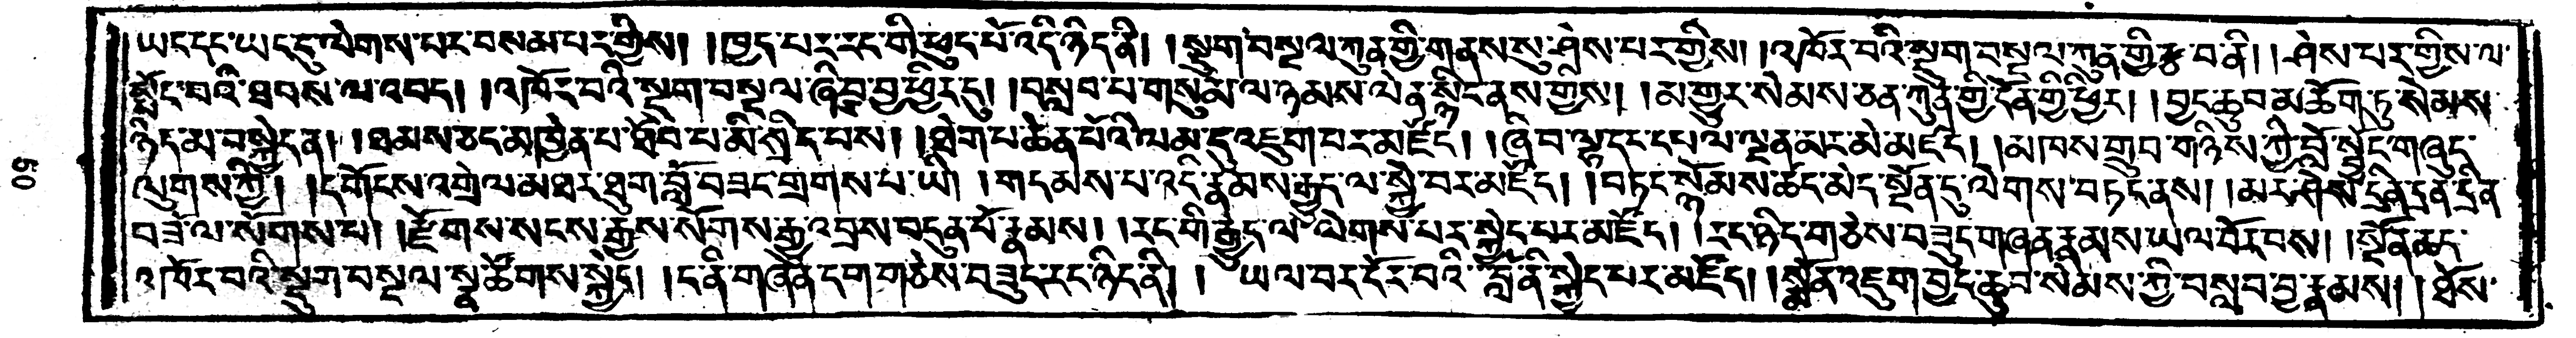ཡང་དང་ཡང་དུ་ལེགས་པར་བསམ་པར་གྱིས། །ཁྱད་པར་རང་གི་ཕུང་པོ་འདི་ཉིད་ནི། །སྡུག་བསྔལ་ཀུན་གྱི་གནས་སུ་ཤེས་པར་གྱིས། །འཁོར་བའི་སྡུག་བསྔལ་ཀུན་གྱི་རྩ་བ་ནི། །ཤེས་པར་གྱིས་ལ་
སྤོང་བའི་ཐབས་ལ་འབད། །འཁོར་བའི་སྡུག་བསྔལ་ཞི་བས་བྱ་ཕྱིར་དུ། །བསླབ་པ་གསུམ་ལ་ཉམས་ལེན་སྙིང་ནས་གྱིས། །མ་གྱུར་སེམས་ཅན་ཀུན་གྱི་དོན་གྱི་ཕྱིར། །བྱང་ཆུབ་མཆོག་ཏུ་སེམས་
ཉིད་མ་བཀྶྱེད་ན། །ཐམས་ཅད་མཁྱེན་པ་ཐོབ་པ་མི་སྲིད་པས། །ཐེག་པ་ཆེན་པོའི་ལམ་དུ་འཇུག་པར་མཛོད། །ཞི་བ་ལྷ་དང་དཔལ་ལྡན་མར་མེ་མཛད། །མཁས་གྲུབ་གཉིས་ཀྱི་བློ་སྦྱོང་གཞུད་
ལུགས་ཀྱི། །དགོངས་འགྲེལ་མཐར་ཐུག་བློ་བཟང་གྲགས་པ་ཡི། །གདམས་པ་འདི་རྣམས་རྒྱུད་ལ་སྐྱེ་བར་མཛོད། །བཏང་སྙོམས་ཚད་མེད་སྔོན་དུ་ལེགས་བཏང་ནས། །མར་ཤེས་དྲིན་དྲན་དྲིན་
བཟོ་ལ་སོགས་པ། །རྫོགས་སངས་རྒྱས་སོགས་རྒྱུ་འབྲས་བདུན་པོ་རྣམས། །རང་གི་རྒྱུད་ལ་ལེགས་པར་སྐྱེད་པར་མཛོད། །རང་ཉིད་གཅེས་བཟུང་གཞན་རྣམས་ཡལ་བོར་བས། །སྔོན་ཆད་
འཁོར་བའི་སྡུག་བསྔལ་སྣ་ཚོགས་སྐྱེད། །ད་ནི་གཞན་དག་གཅེས་བཟུང་རང་ཉིད་ནི། །ཡལ་བར་དོར་བའི་བློ་ནི་སྐྱེད་པར་མཛོད། །སྨོན་འཇུག་བྱང་ཆུབ་སེམས་ཀྱི་བསླབ་བྱ་རྣམས། །ཐོས་